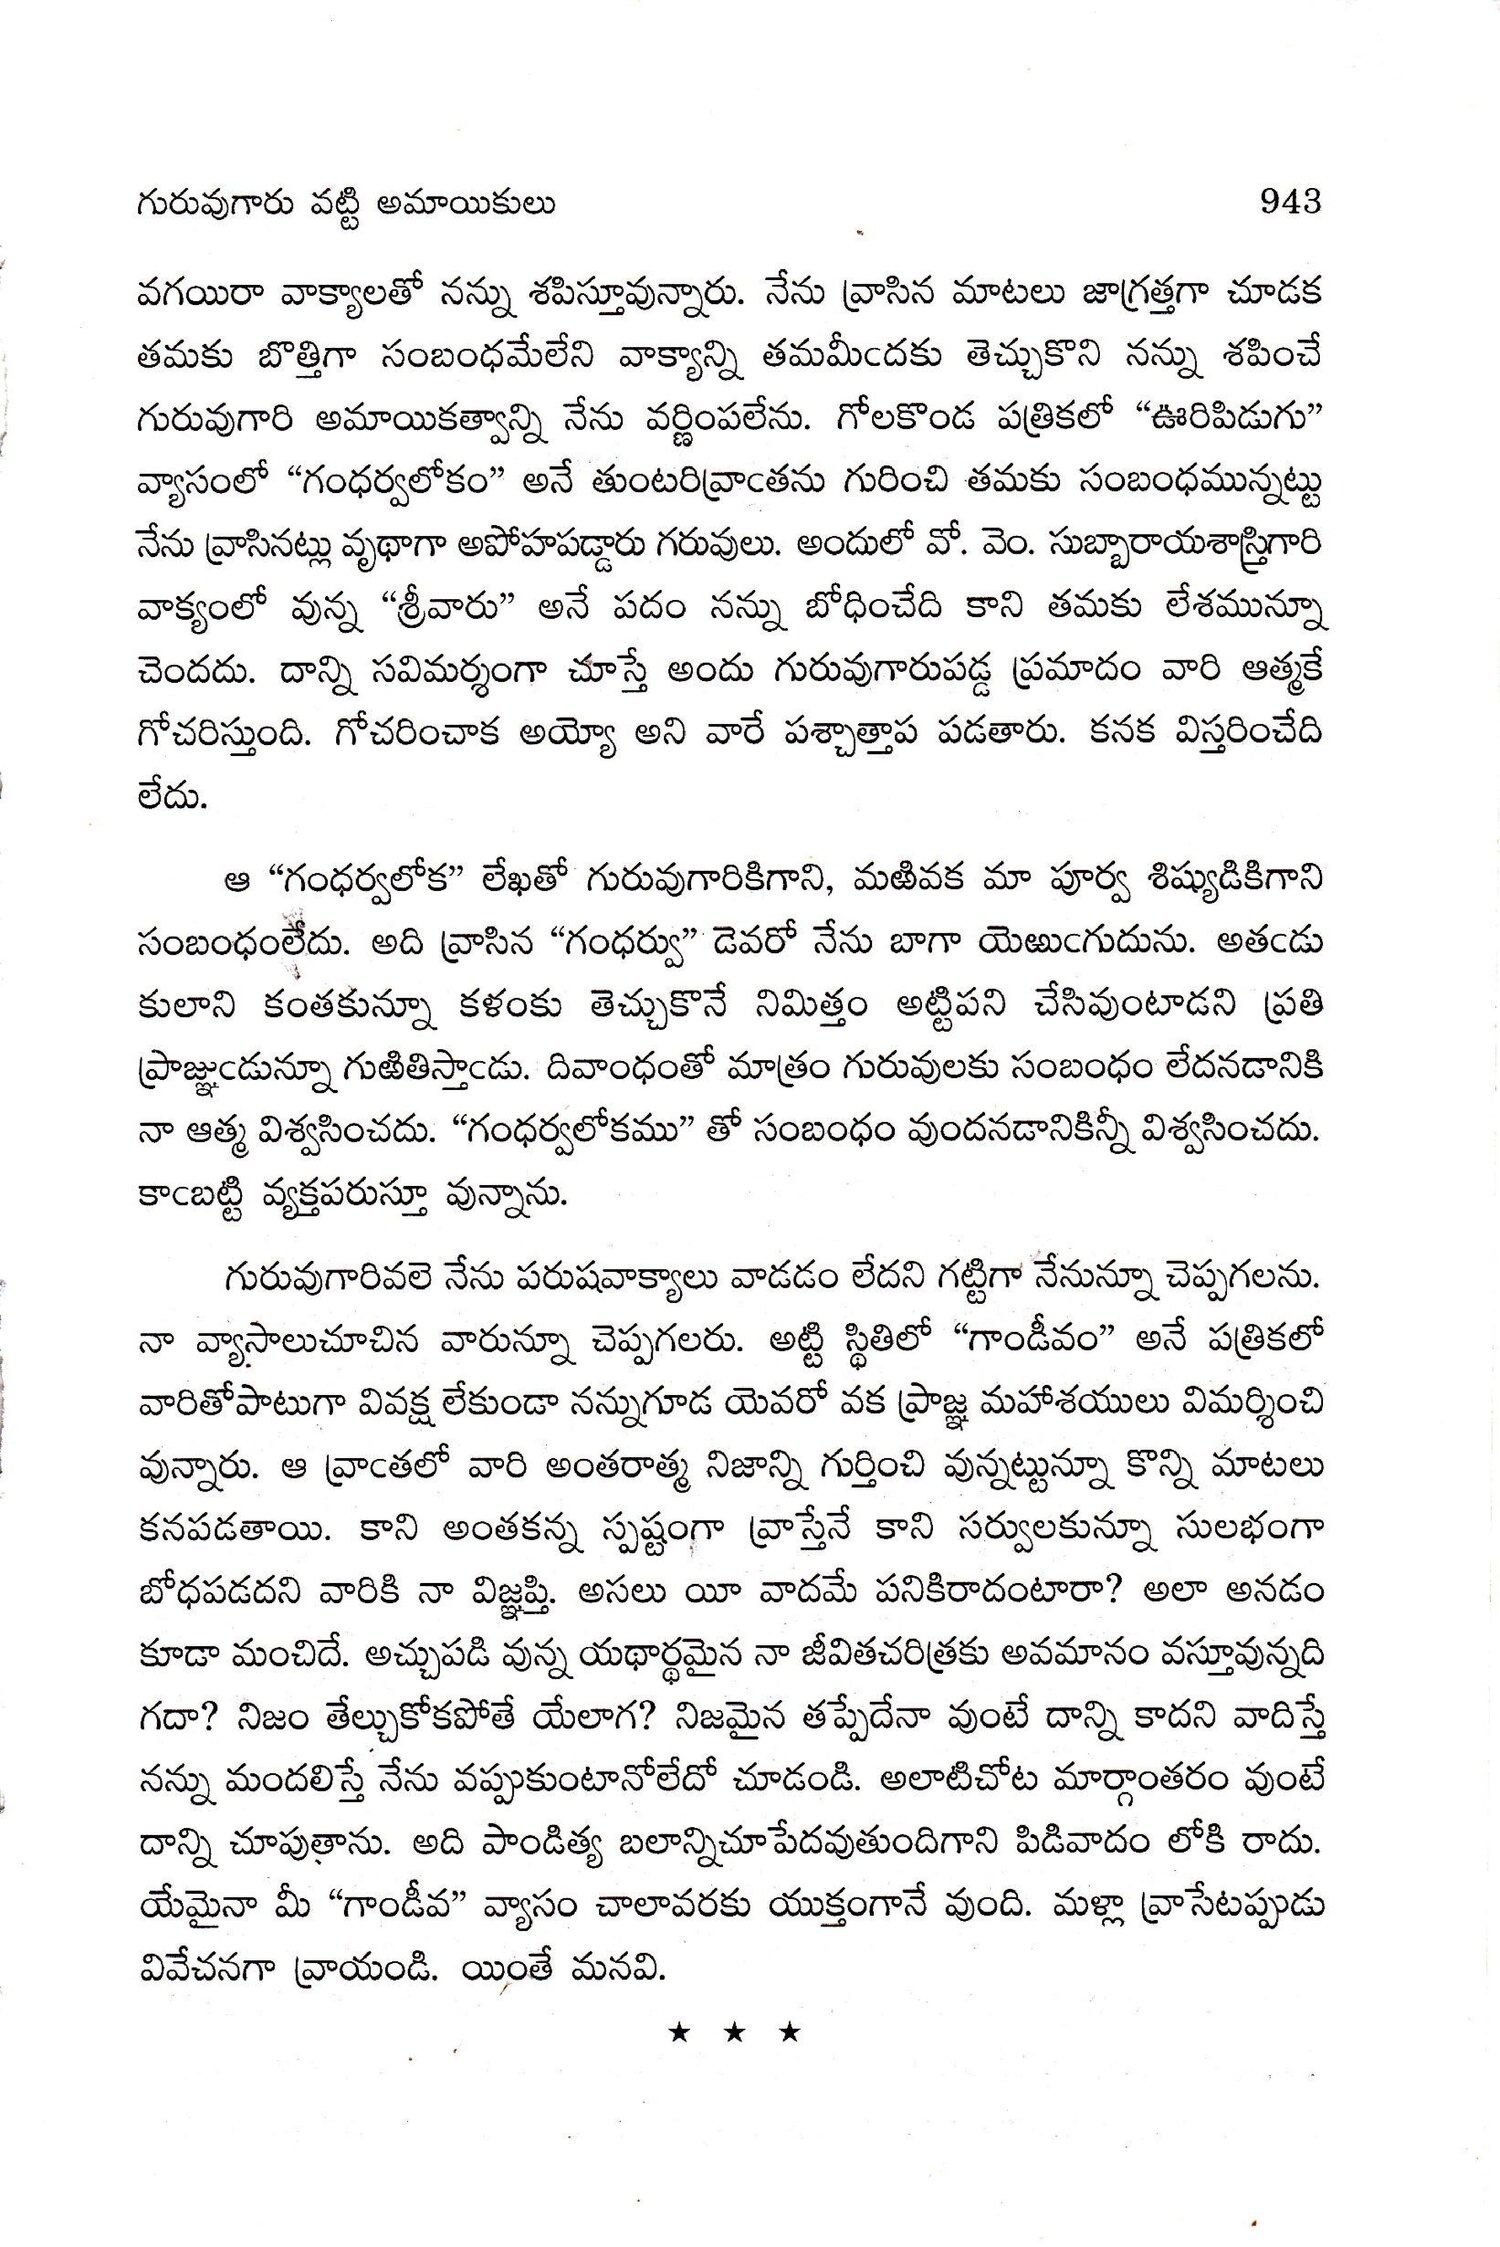వగయిరా వాక్యాలతో నన్ను శపిస్తూవున్నారు. నేను వ్రాసిన మాటలు జాగ్రత్తగా చూడక తమకు బొత్తిగా సంబంధమేలేని వాక్యాన్ని తమమీఁదకు తెచ్చుకొని నన్ను శపించే గురువుగారి అమాయికత్వాన్ని నేను వర్ణింపలేను. గోలకొండ పత్రికలో “ఊరిపిడుగు" వ్యాసంలో "గంధర్వలోకం" అనే తుంటరివ్రాఁతను గురించి తమకు సంబంధమున్నట్టు నేను వ్రాసినట్లు వృథాగా అపోహపడ్డారు గరువులు. అందులో వో. వెం. సుబ్బారాయశాస్త్రిగారి వాక్యంలో వున్న “శ్రీవారు” అనే పదం నన్ను బోధించేది కాని తమకు లేశమున్నూ చెందదు. దాన్ని సవిమర్శంగా చూస్తే అందు గురువుగారుపడ్డ ప్రమాదం వారి ఆత్మకే గోచరిస్తుంది. గోచరించాక అయ్యో అని వారే పశ్చాత్తాప పడతారు. కనక విస్తరించేది లేదు.

ఆ "గంధర్వలోక లేఖతో గురువుగారికిగాని, మఱివక మా పూర్వ శిష్యుడికిగాని సంబంధంలేదు. అది వ్రాసిన "గంధర్వు" డెవరో నేను బాగా యెఱుఁగుదును. అతఁడు కులాని కంతకున్నూ కళంకు తెచ్చుకొనే నిమిత్తం అట్టిపని చేసివుంటాడని ప్రతి ప్రాజ్ఞుఁడున్నూ గుఱితిస్తాఁడు. దివాంధంతో మాత్రం గురువులకు సంబంధం లేదనడానికి నా ఆత్మ విశ్వసించదు. "గంధర్వలోకము" తో సంబంధం వుందనడానికిన్నీ విశ్వసించదు. కాఁబట్టి వ్యక్తపరుస్తూ వున్నాను.

గురువుగారివలె నేను పరుషవాక్యాలు వాడడం లేదని గట్టిగా నేనున్నూ చెప్పగలను. నా వ్యాసాలుచూచిన వారున్నూ చెప్పగలరు. అట్టి స్థితిలో "గాండీవం" అనే పత్రికలో వారితోపాటుగా వివక్ష లేకుండా నన్నుగూడ యెవరో వక ప్రాజ్ఞ మహాశయులు విమర్శించి వున్నారు. ఆ వ్రాఁతలో వారి అంతరాత్మ నిజాన్ని గుర్తించి వున్నట్టున్నూ కొన్ని మాటలు కనపడతాయి. కాని అంతకన్న స్పష్టంగా వ్రాస్తేనే కాని సర్వులకున్నూ సులభంగా బోధపడదని వారికి నా విజ్ఞప్తి అసలు యీ వాదమే పనికిరాదంటారా? అలా అనడం కూడా మంచిదే. అచ్చుపడి వున్న యథార్థమైన నా జీవితచరిత్రకు అవమానం వస్తూవున్నది గదా? నిజం తేల్చుకోకపోతే యేలాగ? నిజమైన తప్పేదేనా వుంటే దాన్ని కాదని వాదిస్తే నన్ను మందలిస్తే నేను వప్పుకుంటానోలేదో చూడండి. అలాటిచోట మార్గాంతరం వుంటే దాన్ని చూపుతాను. అది పాండిత్య బలాన్నిచూపేదవుతుందిగాని పిడివాదం లోకి రాదు. యేమైనా మీ "గాండీవ" వ్యాసం చాలావరకు యుక్తంగానే వుంది. మళ్లా వ్రాసేటప్పుడు వివేచనగా వ్రాయండి. యింతే మనవి. -